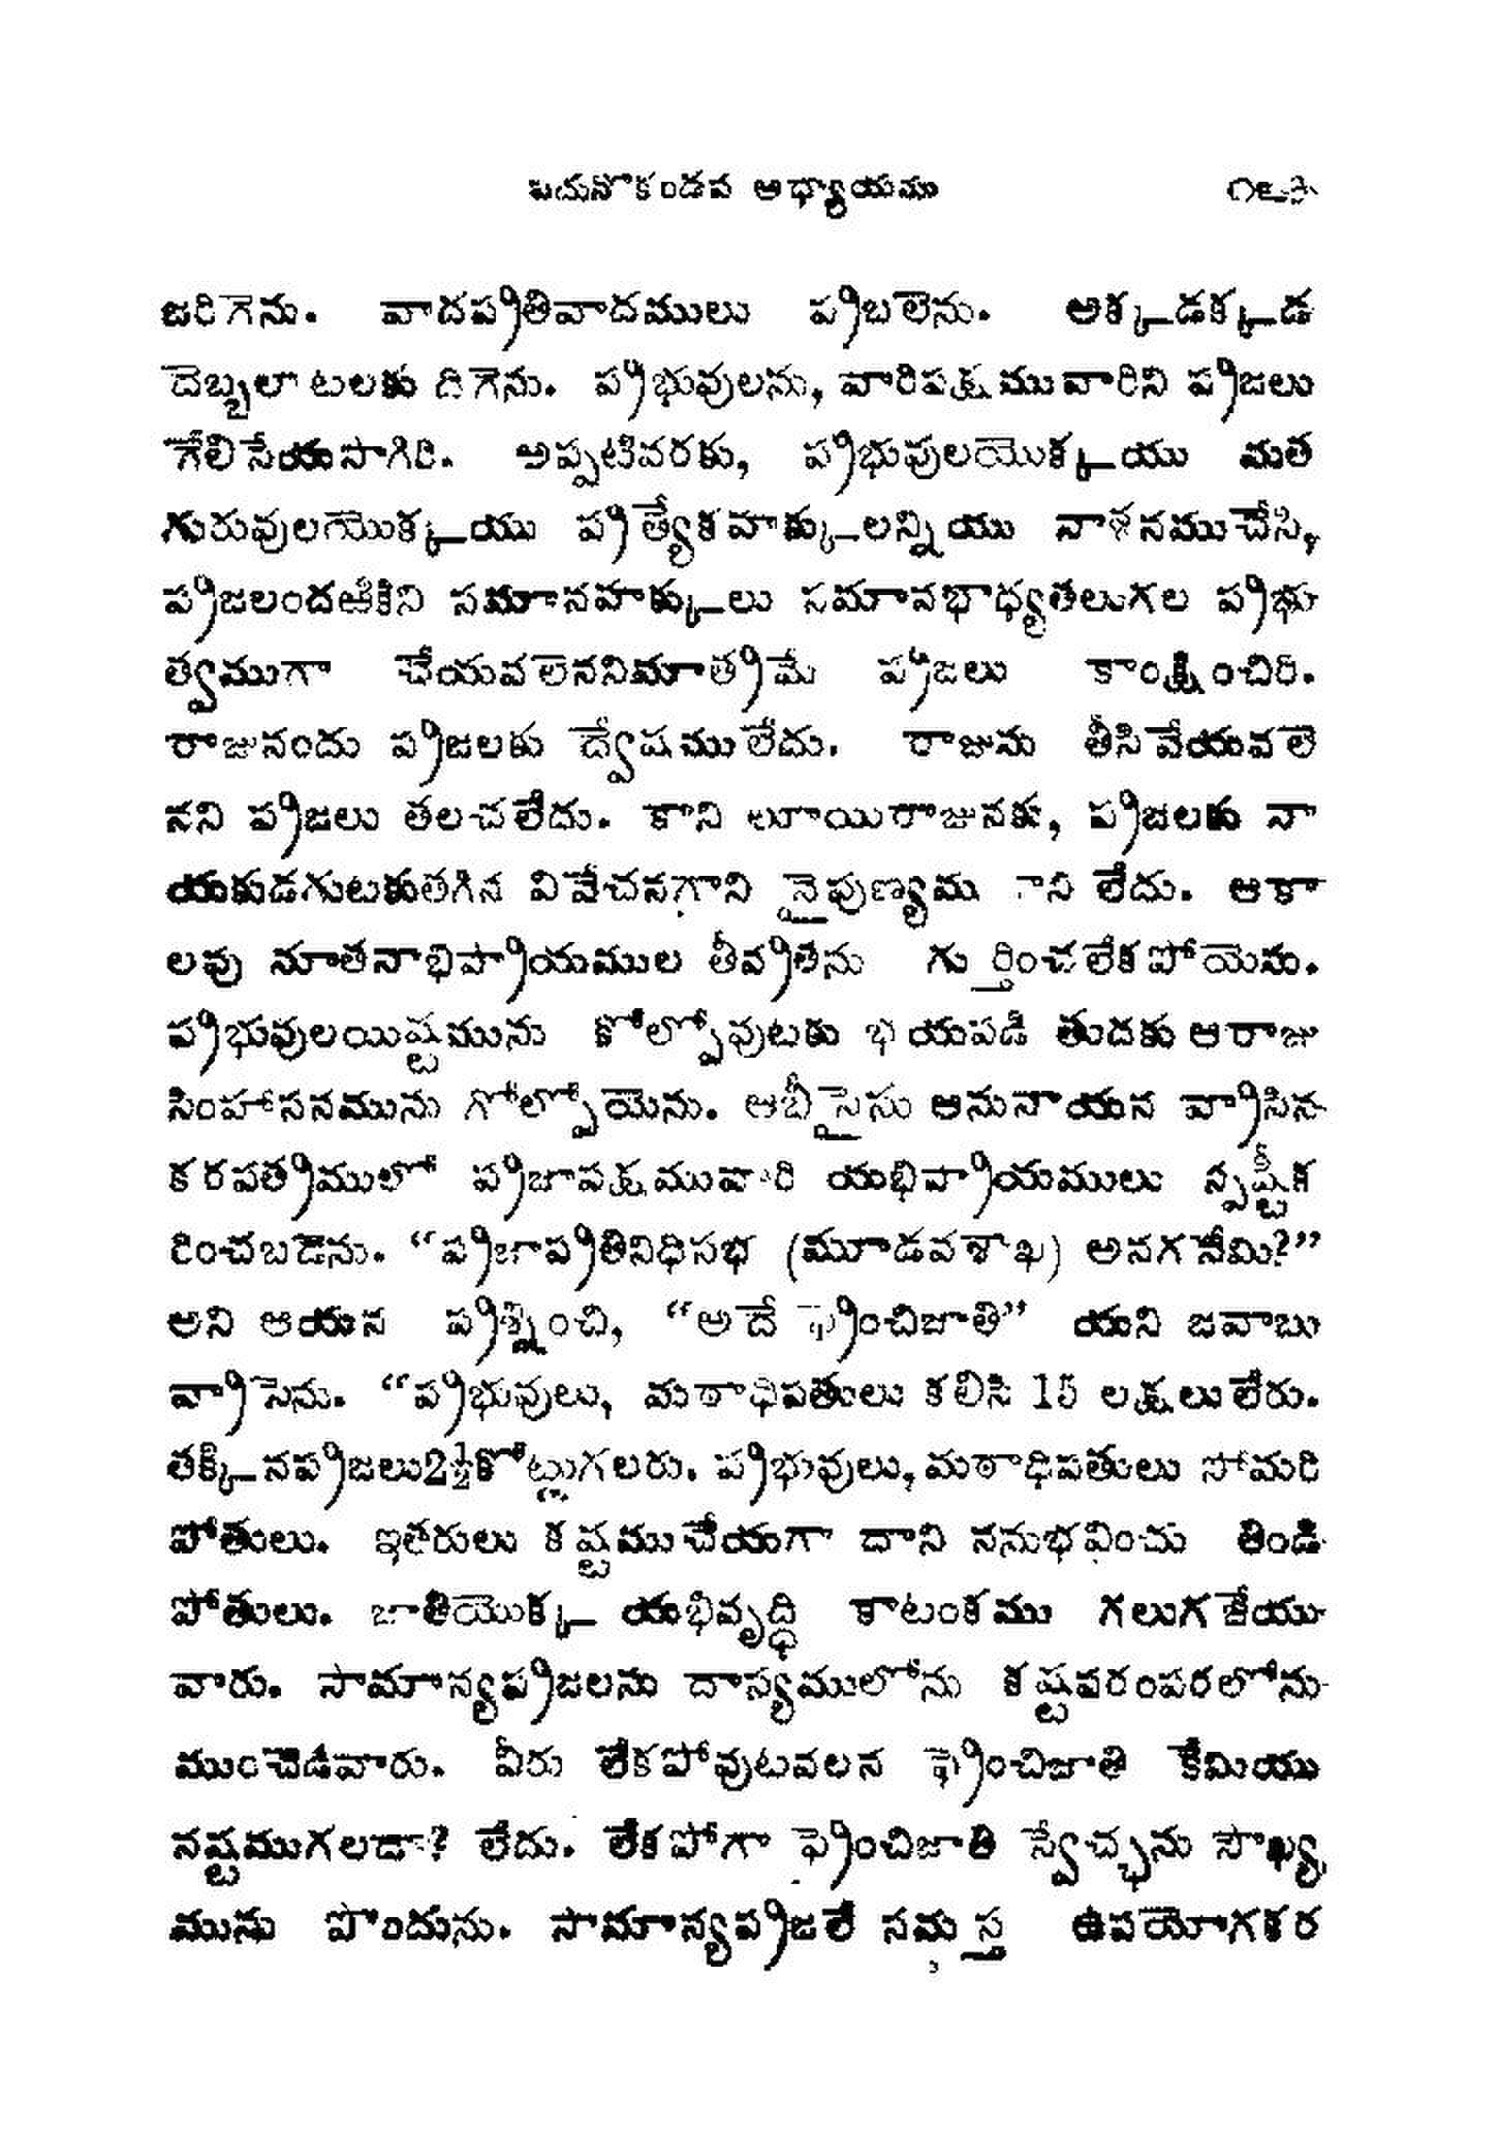జరిగెను. వాదప్రతివాదములు ప్రబలెను. అక్కడక్కడ
దెబ్బలాటలకు దిగెను. ప్రభువులను, వారిపక్ష ము వారిని ప ప్రజలు
గేలి సేయసాగిరి. అప్పటివరకు, ప్రభువులయొక్కయు
గురువులయొక్కయు ప్రత్యేక హక్కులన్నియు నాశనము చేసి,
ప్రజలందరికిని సమానహక్కులు సమాన భాధ్యతలుగల ప్రభు
త్వముగా చేయవ లెనని మాత్రమే ప్రజలు కాంక్షించిరి.
రాజునందు ప్రజలకు ద్వేషము లేదు. రాజును తీసివేయవలె
సని ప్రజలు తలచలేదు. కాని లూయి రాజునకు, ప్రజలకు నా
యకుడగుటకు తగిన వివేచనగాని నైపుణ్యముగాని లేదు. ఆకా
లవు నూతనాభిప్రాయముల తీవ్రతను గుర్తించ లేక పోయెసు.
ప్రభువులయిష్టమును కోల్పోవుటకు భయపడి తుదకు ఆ రాజు
సింహాసనమును గోల్పోయెను. ఆబీ సైసు అను నాయన వ్రాసిన
కరపత్రములో ప్రజాపక్ష మువారి యభిప్రాయములు స్పస్టీక
రించబడెను. "ప్రజా ప్రతినిధి సభ (మూడవ శాఖ) అనగ నేమి?"
అని ఆయన ప్రశ్నించి, "అదే ఫ్రెంచిజాతి" యని జవాబు
వ్రాసెను. “ప్రభువులు, మఠాధిపతులు కలిసి 15 లక్షలు లేరు.
తక్కి నప్రజలు 2 కోట్లు గలరు, ప్రభువులు, మఠాధిపతులు సోమరి
పోతులు. ఇతరులు కష్టము చేయగా దాని ననుభవించు తిండి
పోతులు. జాతియొక్క యభివృద్ధి కాటంకము గలుగ జేయు
వారు. సామాన్య ప్రజలను దాస్యములోను కష్టపరంపరలోను-
ముంచెడివారు. వీరు లేకపోవుటవలన పెంచిజాతి కేమియు
నష్టముగలదా? లేదు. లేక పోగా ఫ్రెంచిజాతి స్వేచ్ఛను సౌఖ్య,
మును పొందును. సామాన్య ప్రజలే నమస్త ఉపయోగకర